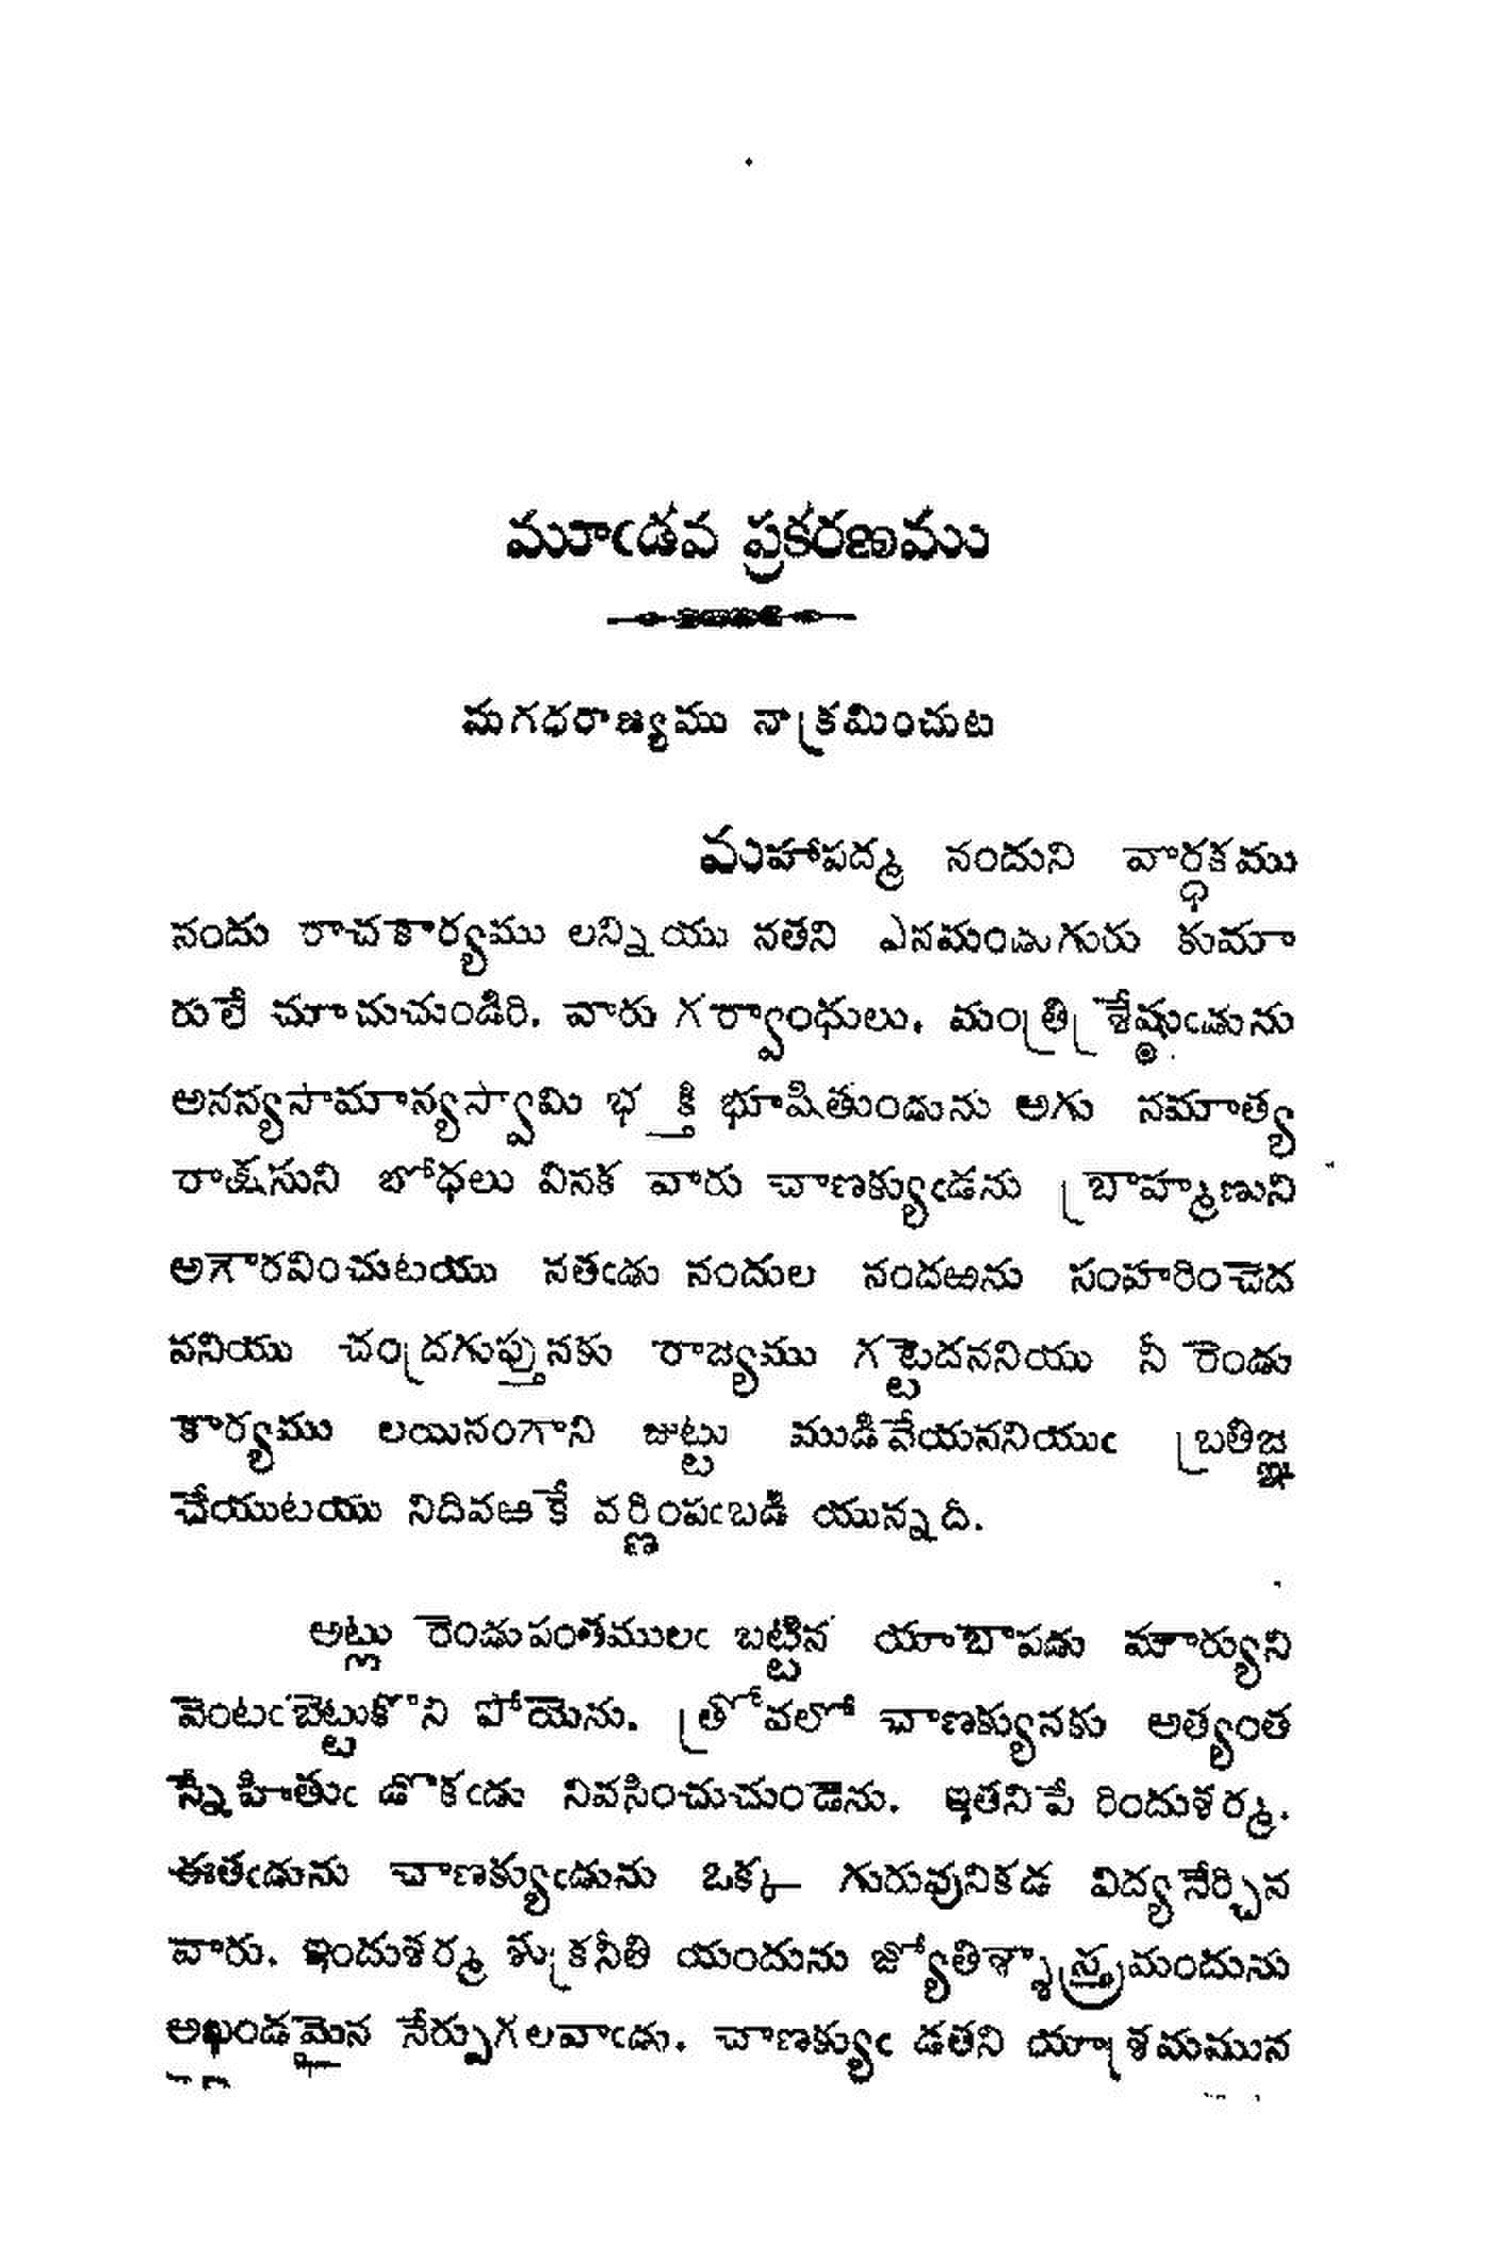మూఁడవ ప్రకరణము

మగధరాజ్యము నాక్రమించుట

మహాపద్మ నందుని వార్ధకము నందు రాచకార్యము లన్నియు నతని ఎనమండుగురు కుమారులే చూచుచుండిరి. వారు గర్వాంధులు. మంత్రి శ్రేష్ఠుండును అనన్యసామాన్యస్వామి భక్తి భూషితుండును అగు నమాత్య రాక్షసుని బోధలు వినక వారు చాణక్యుఁడను బ్రాహ్మణుని అగౌరవించుటయు నతఁడు నందుల నందఱను సంహరించెద ననియు చంద్రగుప్తునకు రాజ్యము గట్టెదననియు నీ రెండు కార్యము లయినంగాని జుట్టు ముడివేయననియుఁ బ్రతిజ్ఞ చేయుటయు నిదివఱకే వర్ణింపఁబడి యున్నది.

అట్లు రెండుపంతములఁ బట్టిన యాబాపడు మౌర్యుని వెంటఁబెట్టుకొని పోయెను. త్రోవలో చాణక్యునకు అత్యంత స్నేహితుఁ డొకడు నివసించుచుండెను. ఇతనిపే రిందుశర్మ. ఈతఁడును చాణక్యుఁడును ఒక్క గురువునికడ విద్యనేర్చినవారు. ఇందుశర్మ శుక్రనీతి యందును జ్యోతిశ్శాస్త్రమందును అఖండమైన నేర్పుగలవాఁడు. చాణక్యుఁ డతని యాశ్రమమున